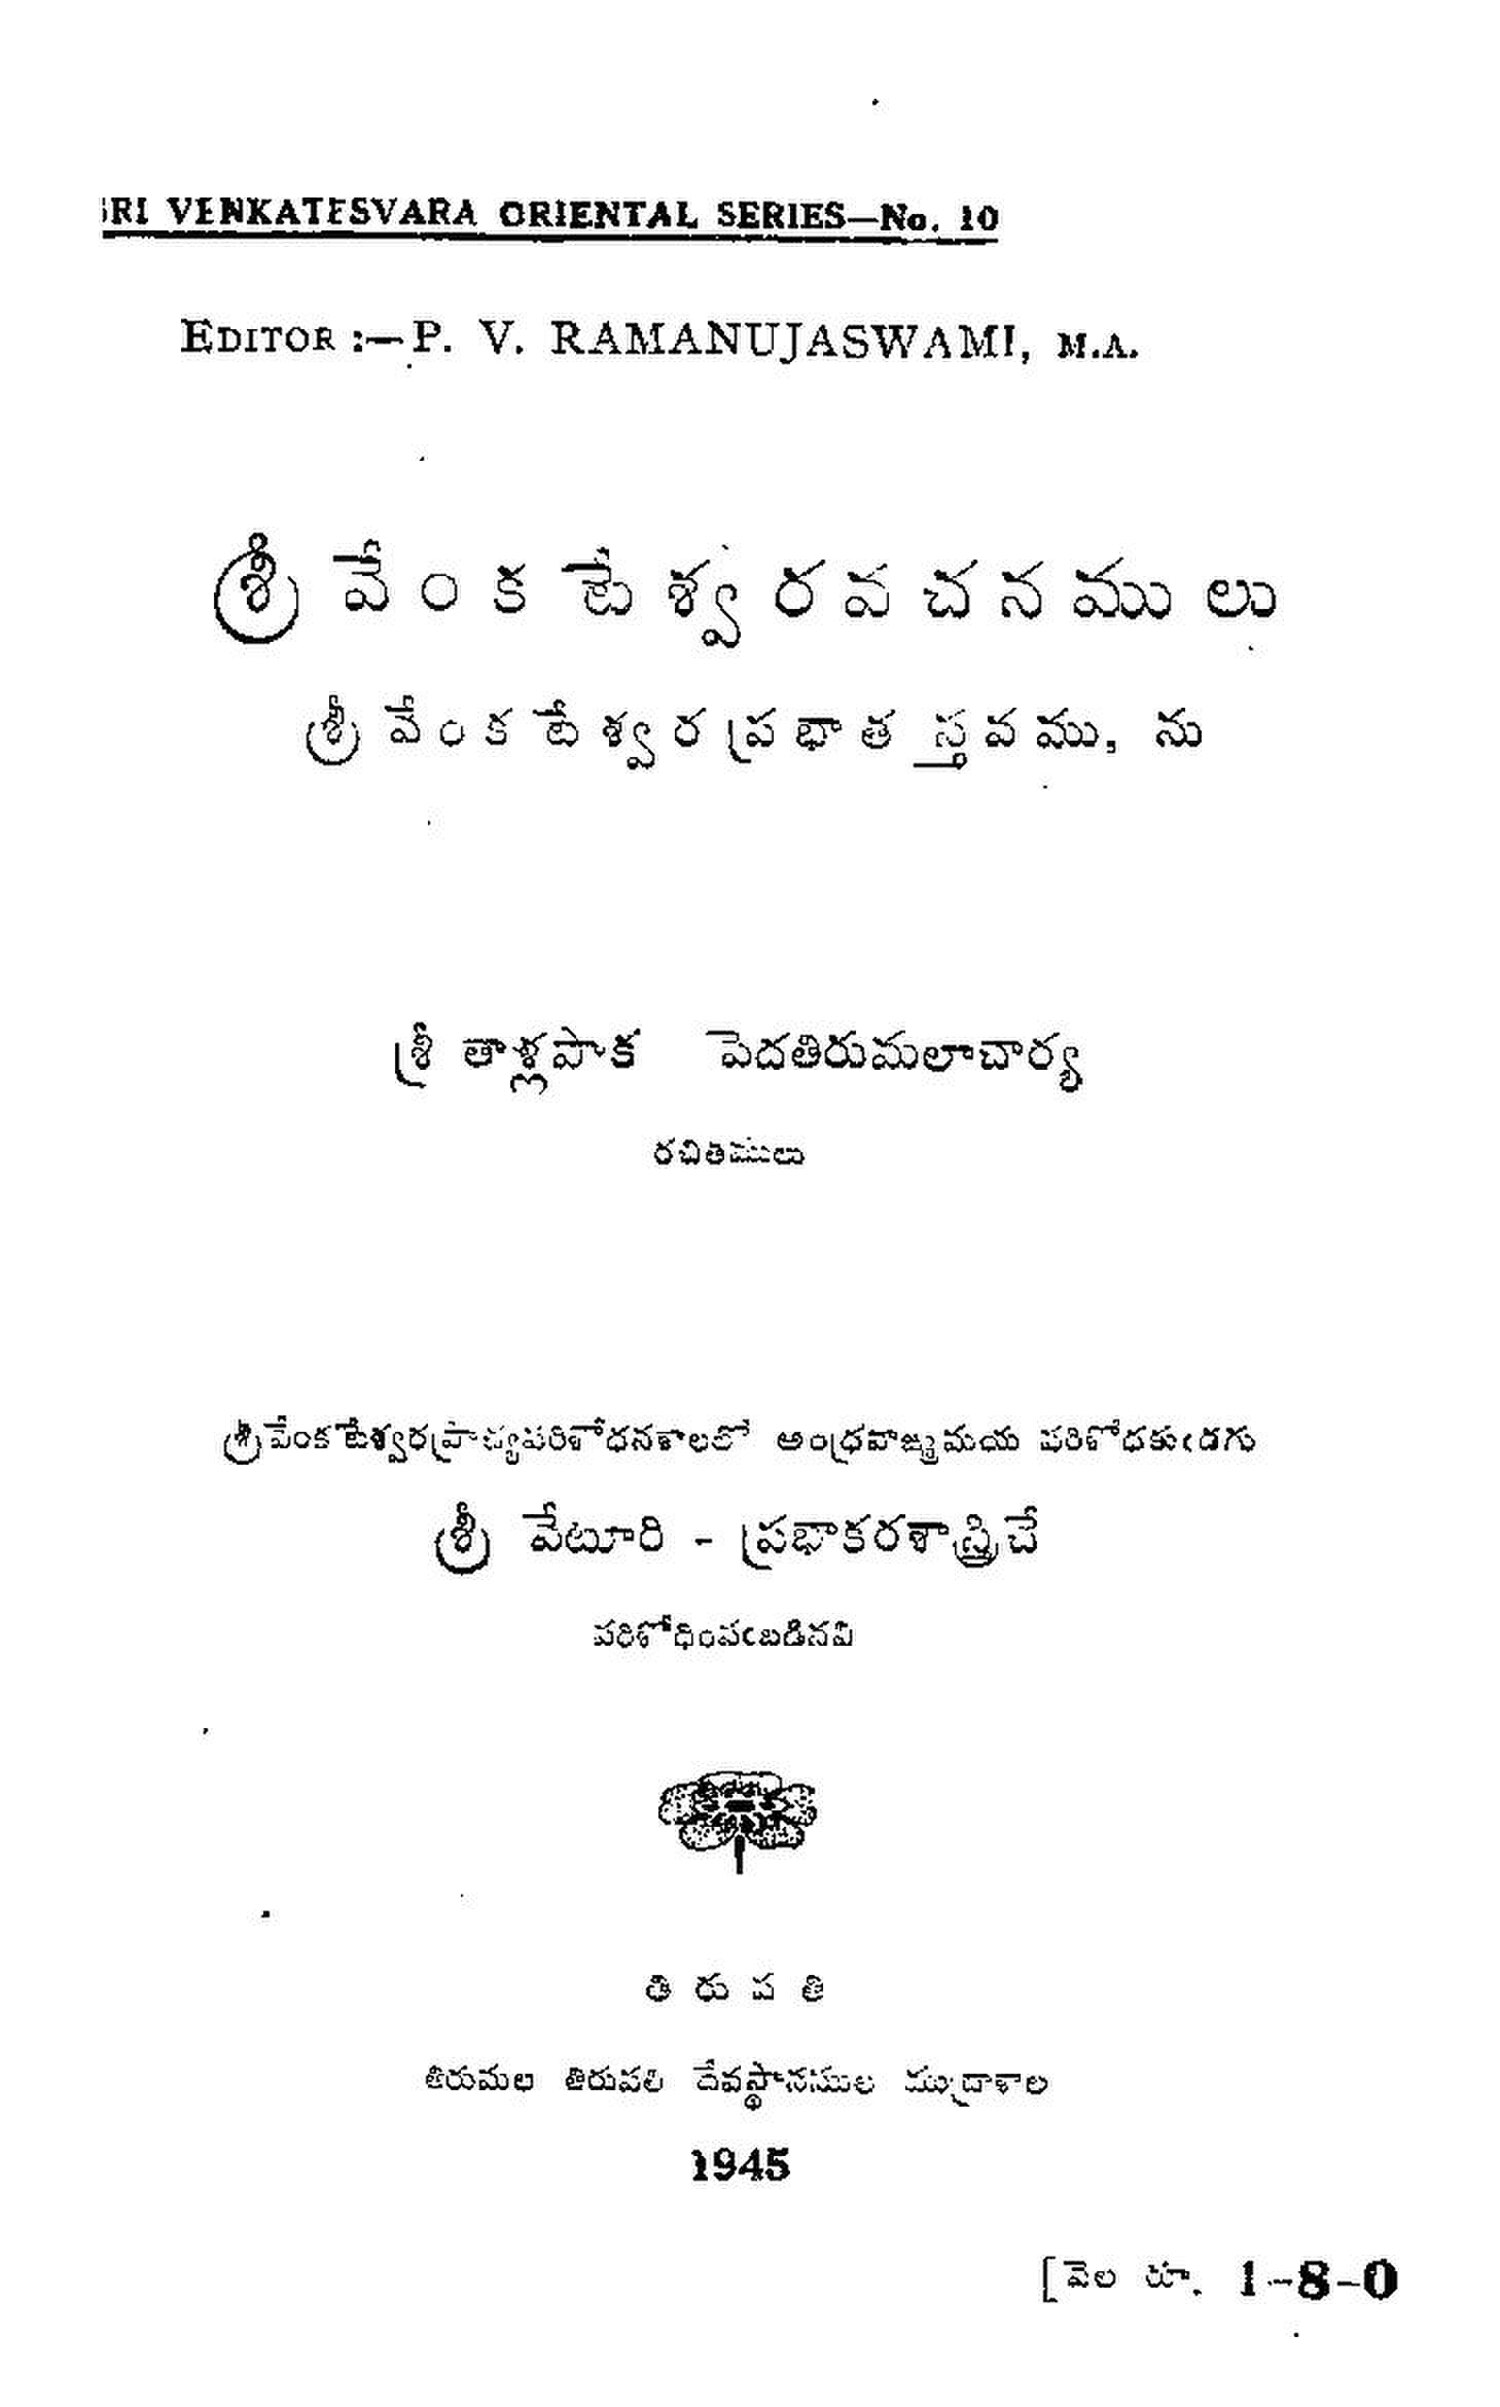EDITOR :— P. V. RAMANUJASWAMI, M.A. 

 శ్రీ వేంకటేశ్వరవచనములు 
 శ్రీ వేంకటేశ్వర ప్రభాతస్తవము, ను 

 శ్రీ తాళ్లపాక పెదతిరుమలాచార్య 
 రచితములు 

 శ్రీవేంకటేశ్వరప్రాచ్యపరిశోధనశాలలో ఆంధ్రవాఙ్మమయ పరిశోధకుఁడగు
 శ్రీ వేటూరి - ప్రభాకరశాస్త్రిచే 

 పరిశోధింపఁబడినవి 

 తి రు ప తి 
 తిరుమల తిరుపతి దేవస్థానముల ముద్రాశాల 
 1945